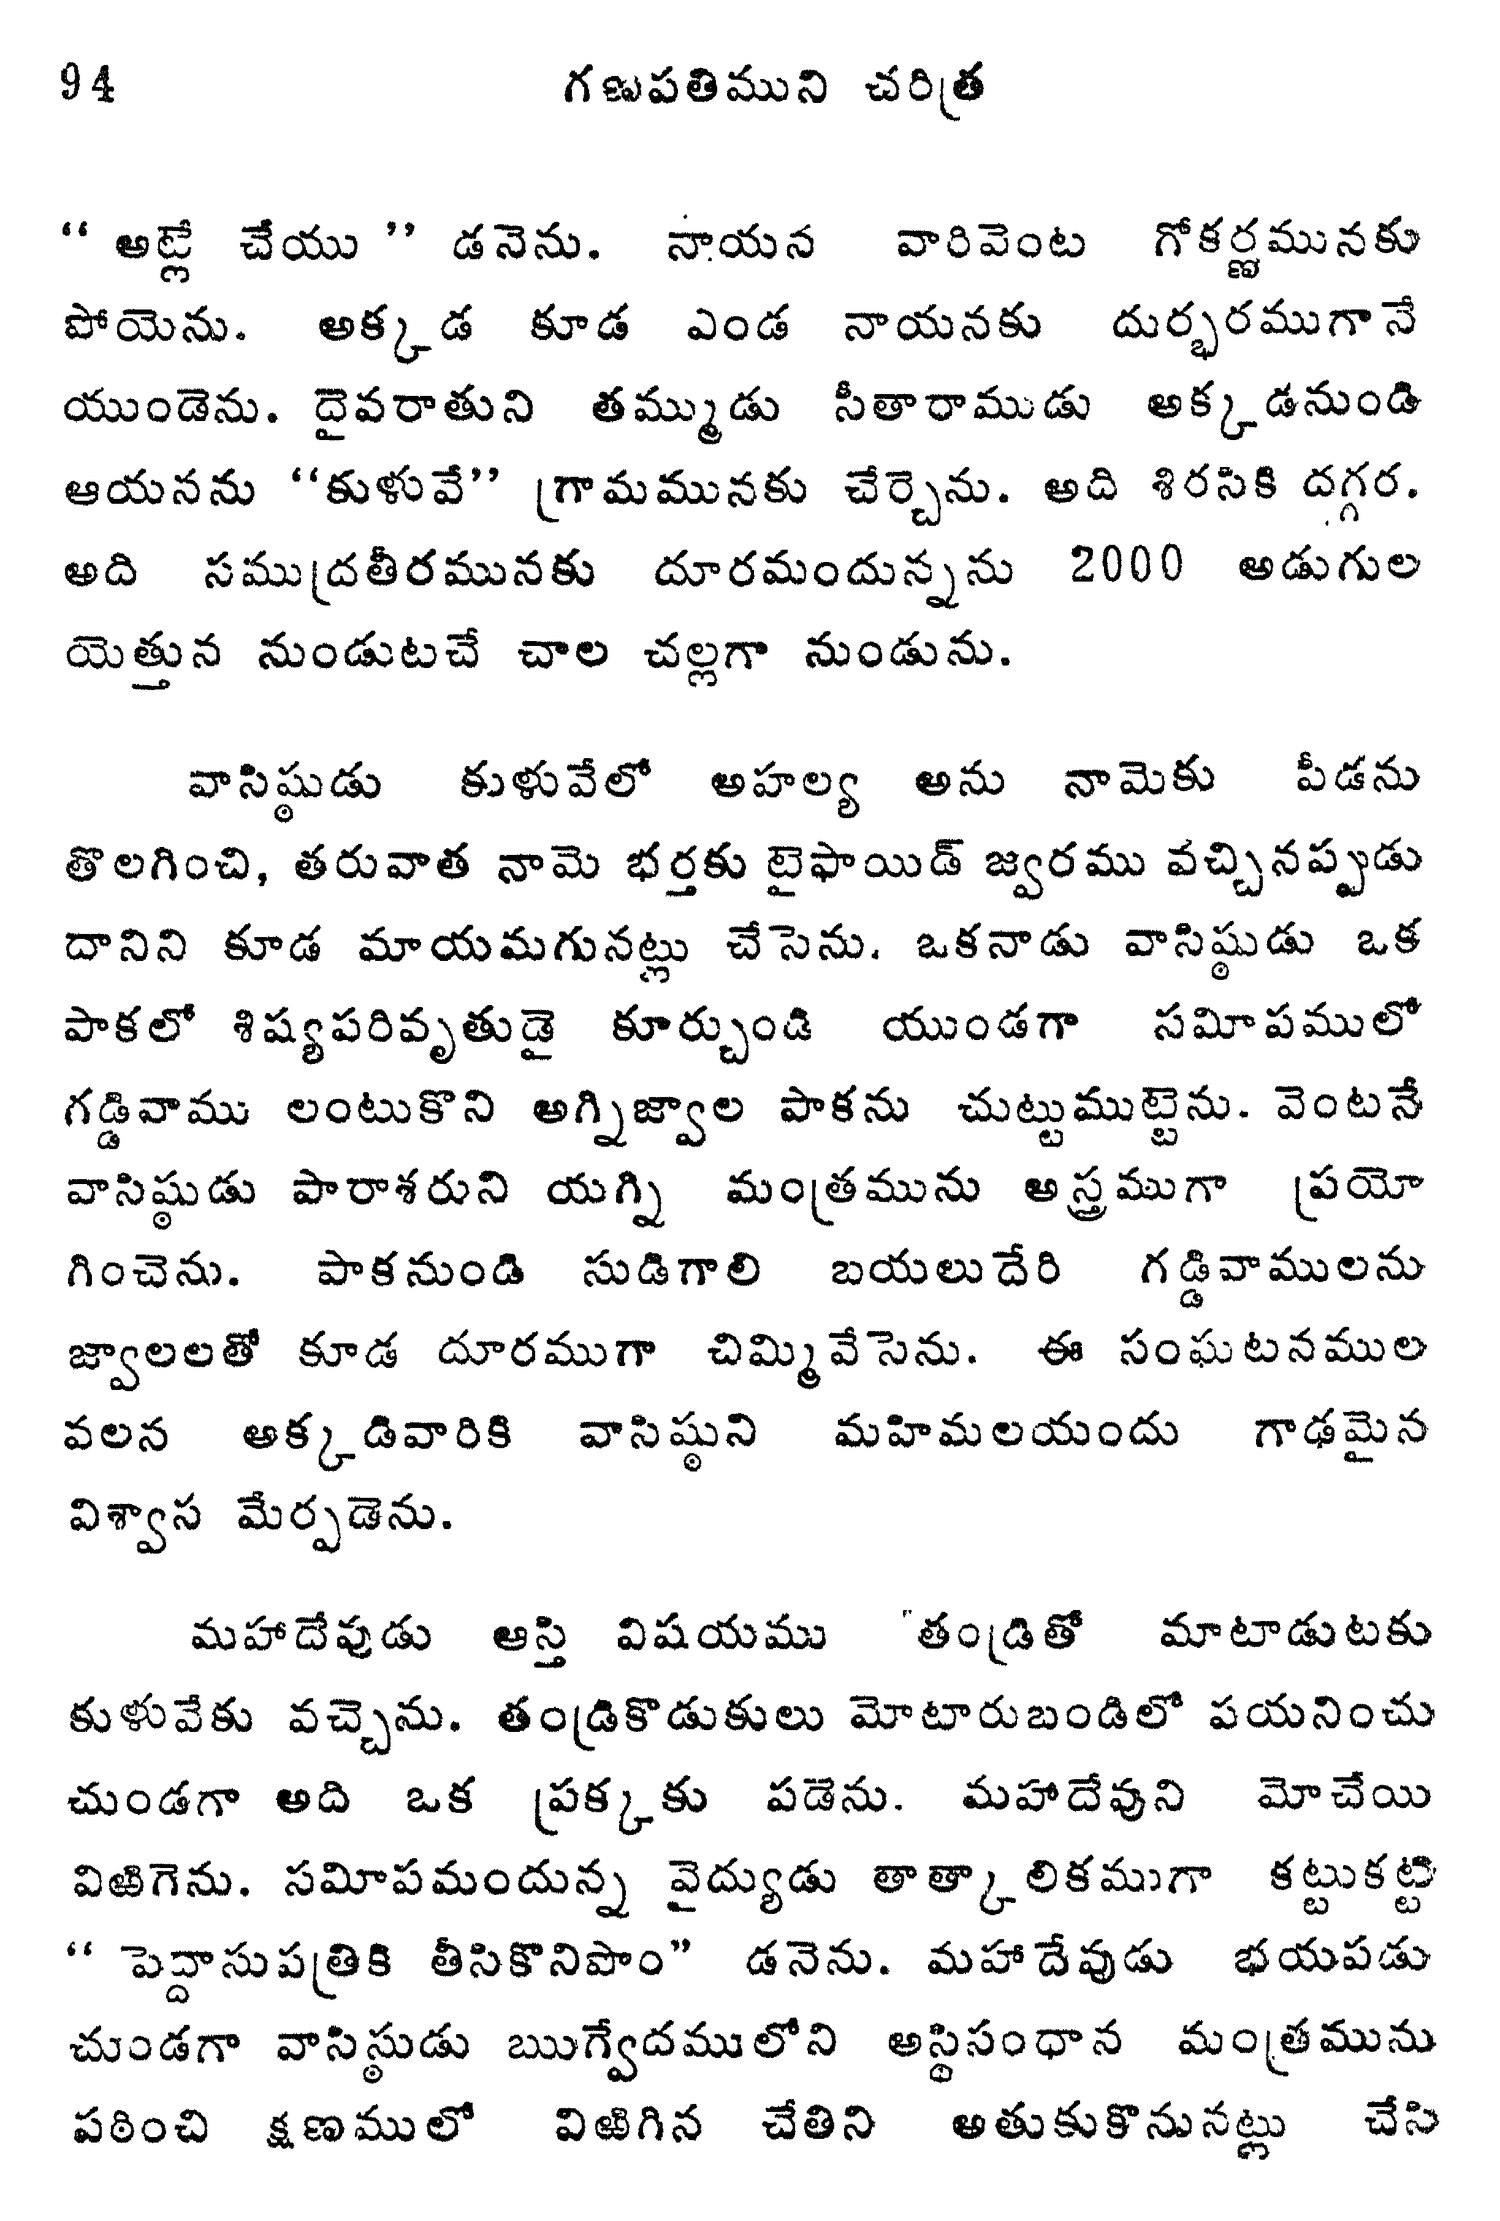"అట్లే చేయు" డనెను. నాయన వారివెంట గోకర్ణమునకు పోయెను. అక్కడ కూడ ఎండ నాయనకు దుర్భరముగానే యుండెను. దైవరాతుని తమ్ముడు సీతారాముడు అక్కడనుండి ఆయనను "కుళువే" గ్రామమునకు చేర్చెను. అది శిరిసికి దగ్గర. అది సముద్రతీరమునకు దూరమందున్నను 2000 అడుగుల యెత్తున నుండుటచే చాల చల్లగా నుండును.

వాసిష్ఠుడు కుళువేలో అహల్య అను నామెకు పీడను తొలగించి, తరువాత నామె భర్తకు టైఫాయిడ్ జ్వరము వచ్చినప్పుడు దానిని కూడ మాయమగునట్లు చేసెను. ఒకనాడు వాసిష్ఠుడు ఒక పాకలో శిష్యపరివృతుడై కూర్చుండి యుండగా సమీపములో గడ్డివాము లంటుకొని అగ్నిజ్వాల పాకను చుట్టుముట్టెను. వెంటనే వాసిష్ఠుడు పారాశరుని యగ్ని మంత్రమును అస్త్రముగా ప్రయోగించెను. పాకనుండి సుడిగాలి బయలుదేరి గడ్డివాములను జ్వాలలతో కూడ దూరముగా చిమ్మివేసెను. ఈ సంఘటనముల వలన అక్కడివారికి వాసిష్ఠుని మహిమలయందు గాఢమైన విశ్వాస మేర్పడెను.

మహాదేవుడు ఆస్తి విషయము తండ్రితో మాటాడుటకు కుళువేకు వచ్చెను. తండ్రికొడుకులు మోటారుబండిలో పయనించు చుండగా అది ఒక ప్రక్కకు పడెను. మహాదేవుని మోచేయి విఱిగెను. సమీపమందున్న వైద్యుడు తాత్కాలికముగా కట్టుకట్టి "పెద్దాసుపత్రికి తీసికొనిపొం" డనెను. మహాదేవుడు భయపడు చుండగా వాసిష్ఠుడు ఋగ్వేదములోని అస్థిసంధాన మంత్రమును పఠించి క్షణములో విఱిగిన చేతిని అతుకుకొనునట్లు చేసి